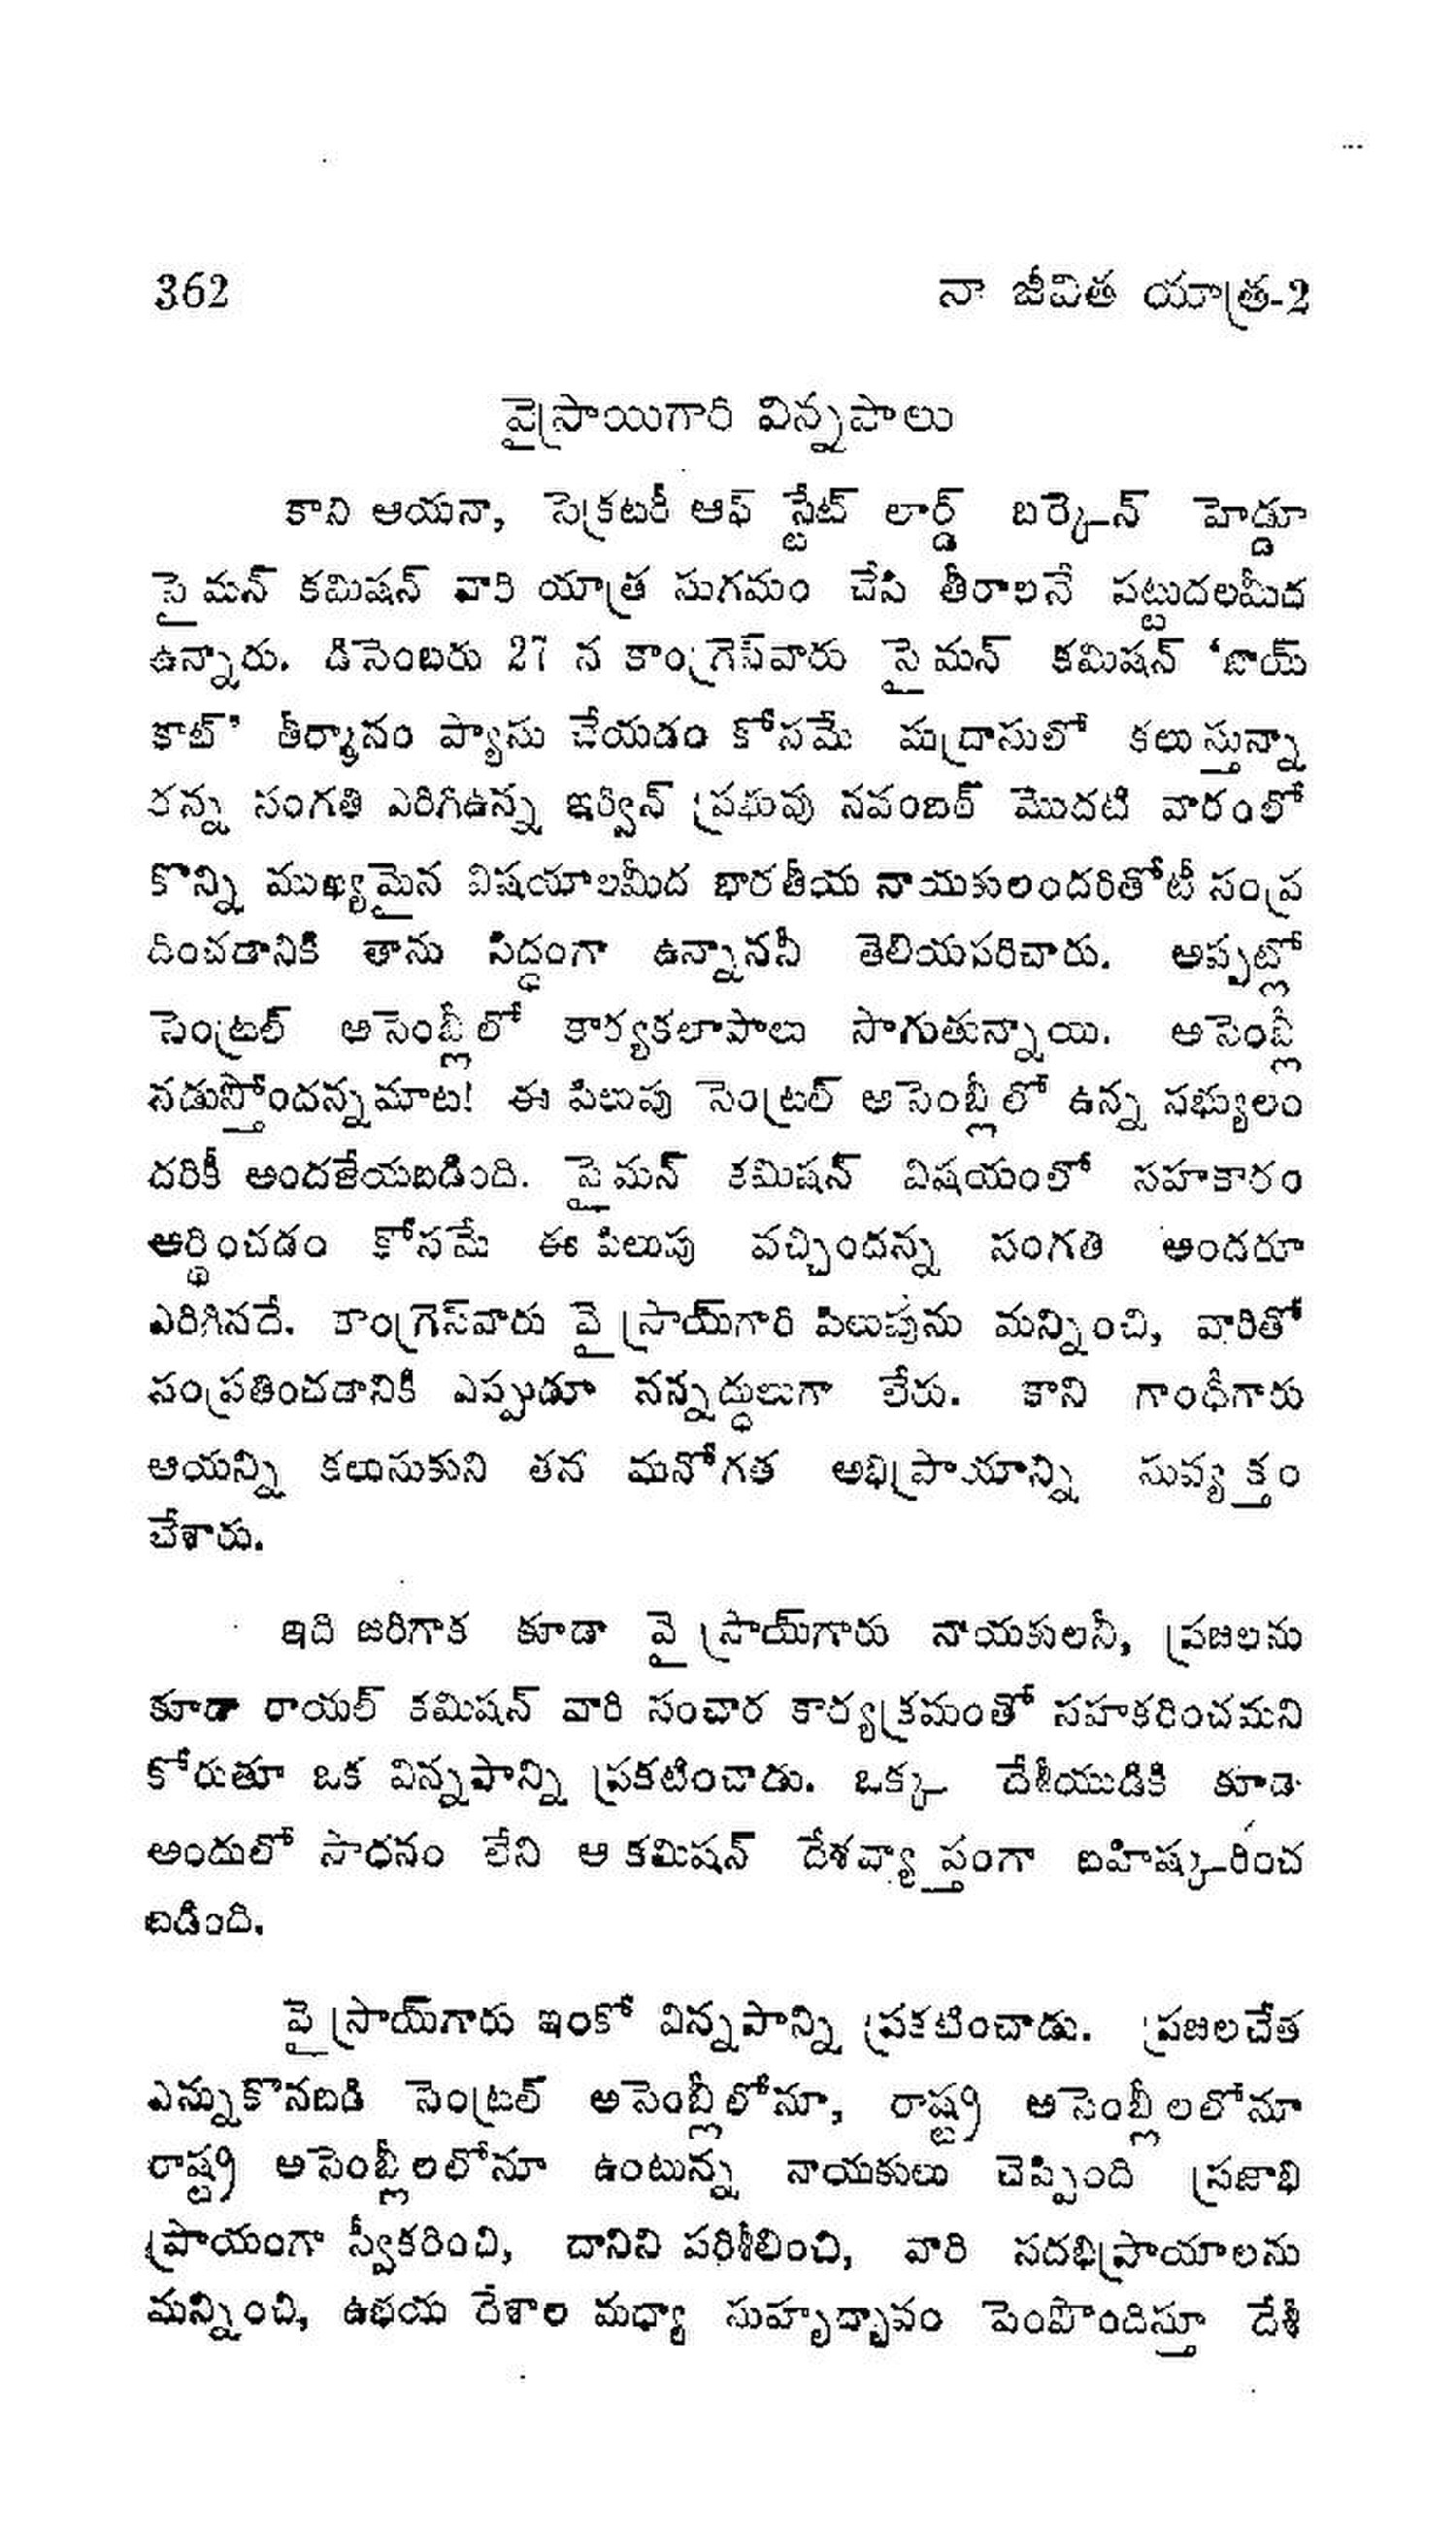కాని ఆయనా, సెక్రటరీ ఆఫ్ స్టేట్ లార్డ్ బర్కెన్ హెడ్డూ సైమన్ కమిషన్ వారి యాత్ర సుగమం చేసి తీరాలనే పట్టుదలమీద ఉన్నారు. డిసెంబరు 27 న కాంగ్రెస్‌వారు సైమన్ కమిషన్ 'బాయ్‌కాట్' తీర్మానం ప్యాసు చేయడం కోసమే మద్రాసులో కలుస్తున్నారన్న సంగతి ఎరిగిఉన్న ఇర్విన్ ప్రభువు నవంబర్ మొదటి వారంలో కొన్ని ముఖ్యమైన విషయాలమీద భారతీయ నాయకులందరితోటీ సంప్రదించడానికి తాను సిద్ధంగా ఉన్నాననీ తెలియపరిచారు. అప్పట్లో సెంట్రల్ అసెంబ్లీలో కార్యకలాపాలు సాగుతున్నాయి. అసెంబ్లీ నడుస్తోందన్నమాట! ఈ పిలుపు సెంట్రల్ అసెంబ్లీలో ఉన్న సభ్యులందరికీ అందజేయబడింది. సైమన్ కమిషన్ విషయంలో సహకారం అర్థించడం కోసమే ఈ పిలుపు వచ్చిందన్న సంగతి అందరూ ఎరిగినదే. కాంగ్రెసువారు వైస్రాయ్‌గారి పిలుపును మన్నించి, వారితో సంప్రతించడానికి ఎప్పుడూ సన్నద్ధులుగా లేరు. కాని గాంధీగారు ఆయన్ని కలుసుకుని తన మనోగత అభిప్రాయాన్ని సువ్యక్తం చేశారు.

ఇది జరిగాక కూడా వైస్రాయ్‌గారు నాయకులనీ, ప్రజలను కూడా రాయల్ కమిషన్ వారి సంచార కార్యక్రమంతో సహకరించమని కోరుతూ ఒక విన్నపాన్ని ప్రకటించాడు. ఒక్క దేశీయుడికి కూడా అందులో సాధనం లేని ఆ కమిషన్ దేశవ్యాప్తంగా బహిష్కరించబడింది.

వైస్రాయ్‌గారు ఇంకో విన్నపాన్ని ప్రకటించాడు. ప్రజలచేత ఎన్నుకొనబడి సెంట్రల్ అసెంబ్లీలోనూ, రాష్ట్ర అసెంబ్లీలలోనూ రాష్ట్ర అసెంబ్లీలలోను ఉంటున్న నాయకులు చెప్పింది ప్రజాభిప్రాయంగా స్వీకరించి, దానిని పరిశీలించి, వారి సదభిప్రాయాలను మన్నించి, ఉభయ దేశాల మధ్యా సుహృద్భావం పెంపొందిస్తూ దేశీ